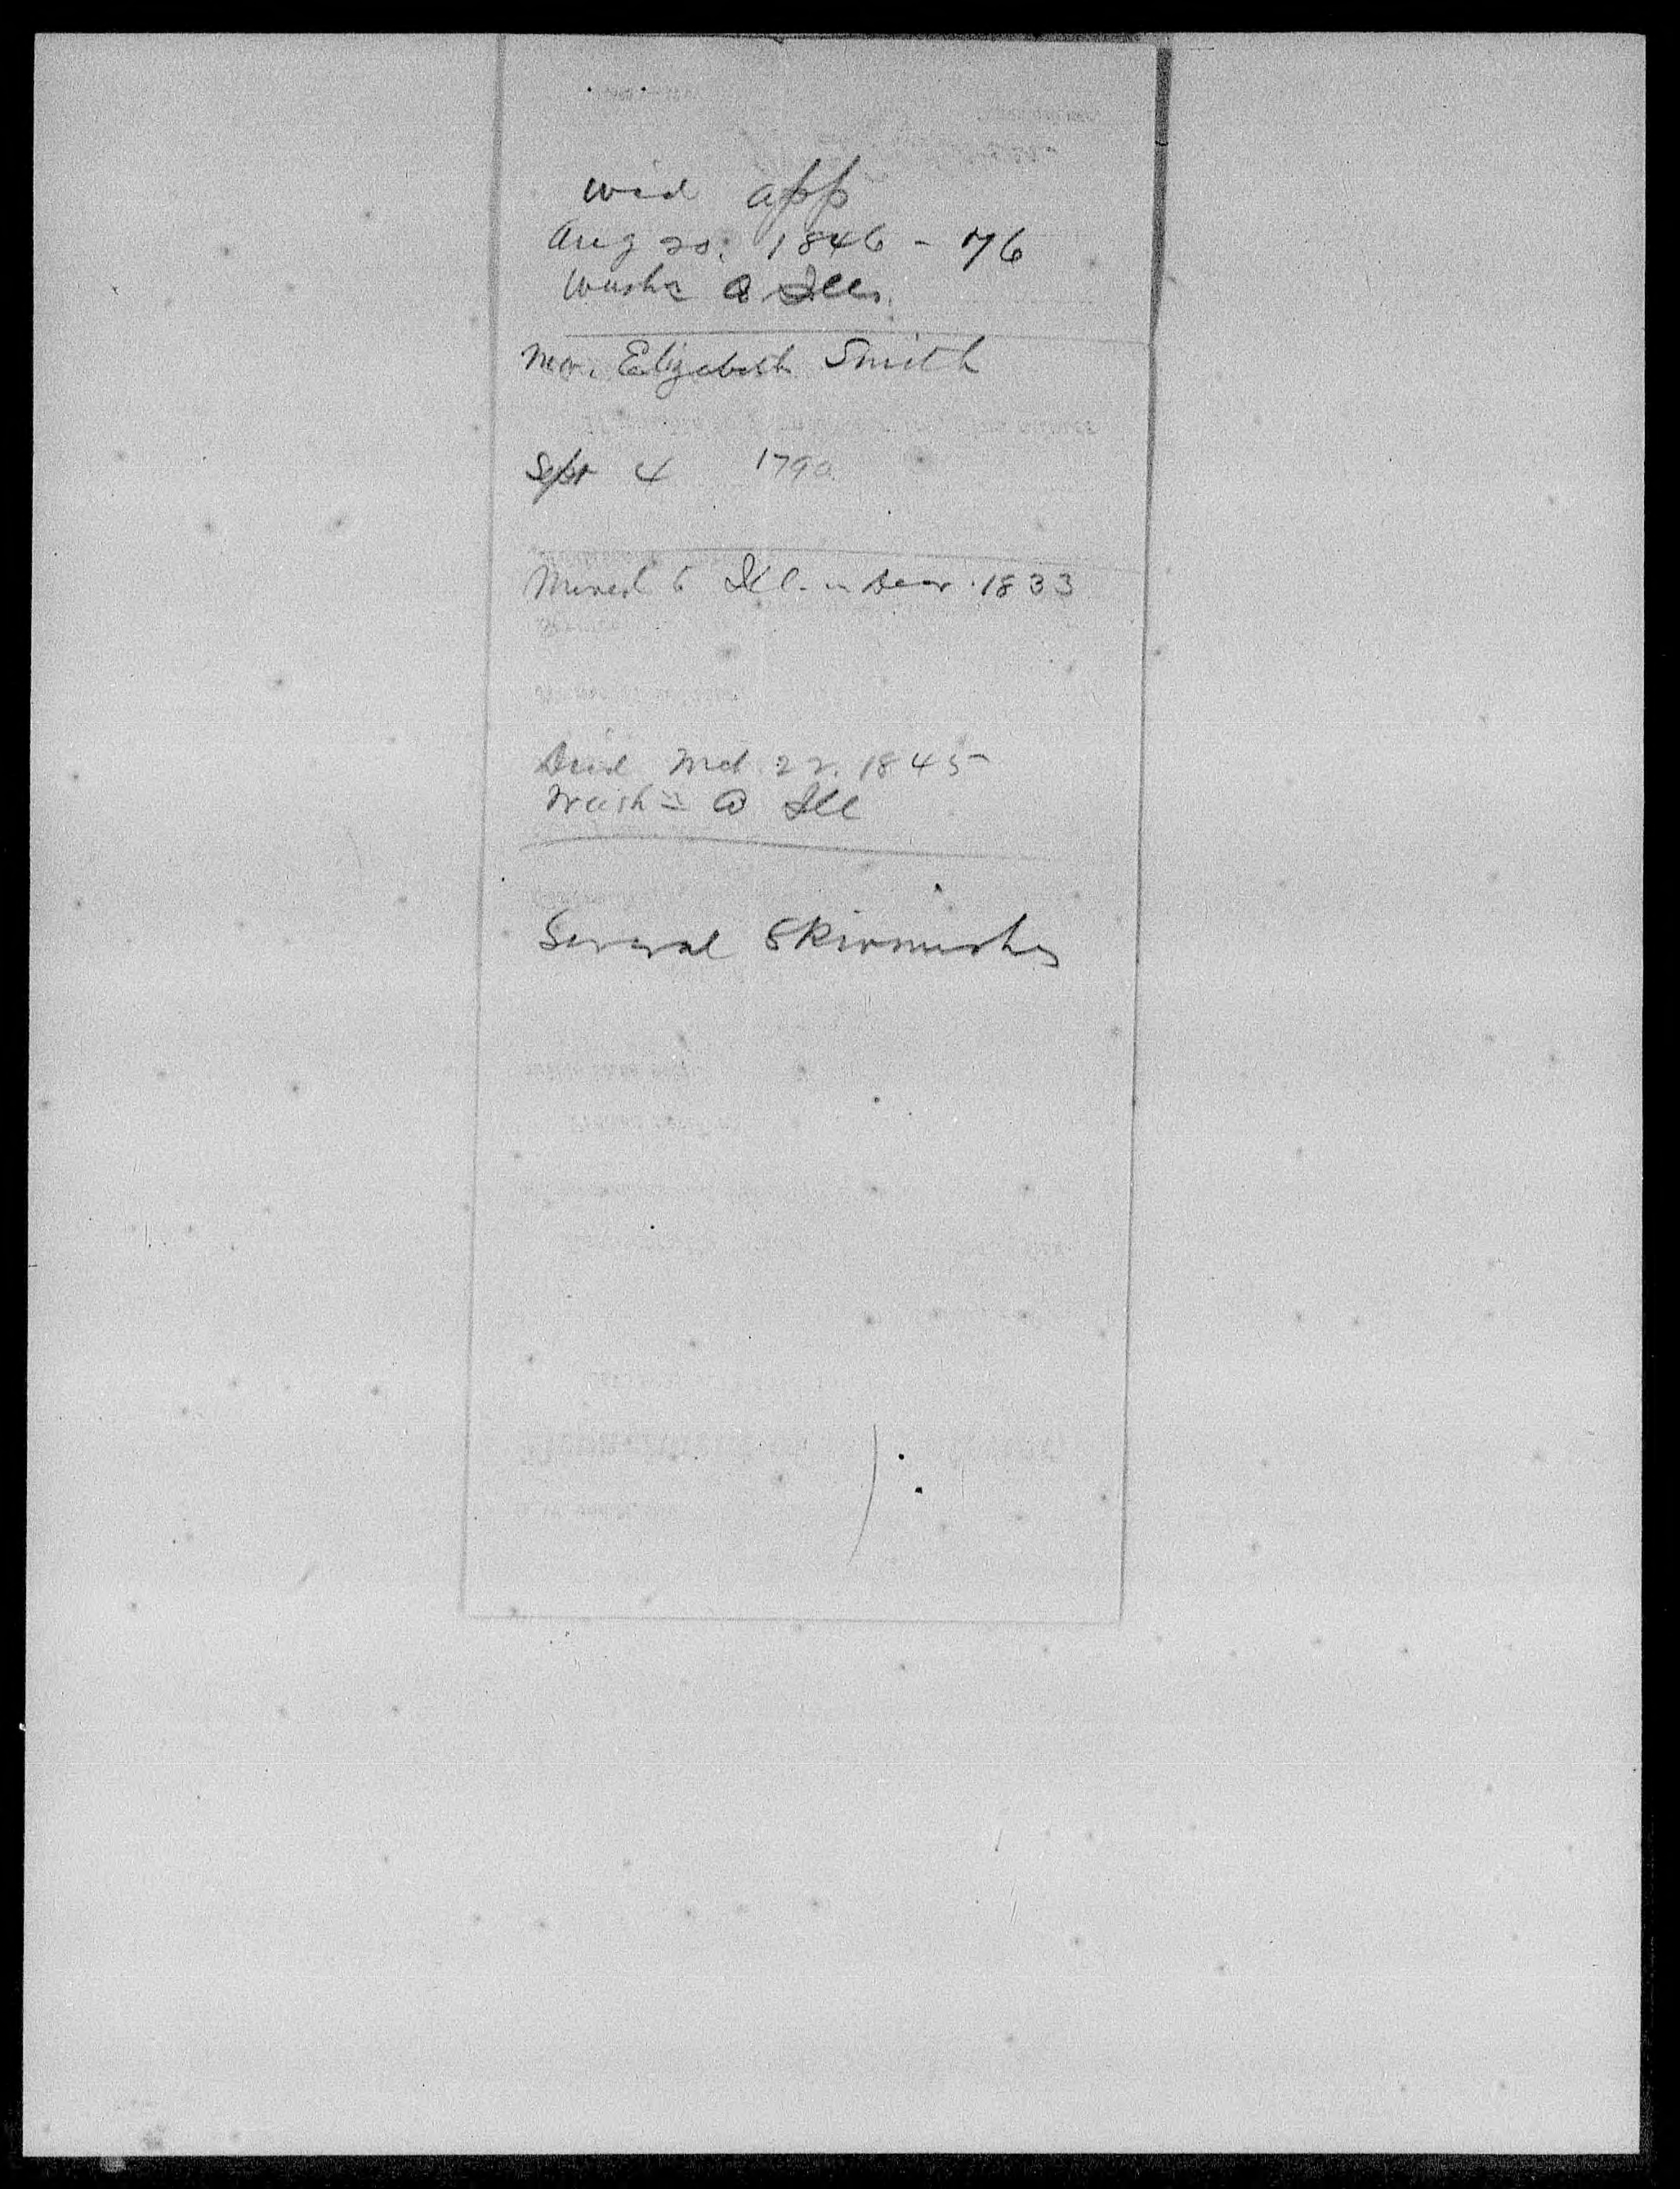Wed ass
Aug 20 1846 -76 
Wash a see
Name  Elizabeth Smith
Sept 4 1790 

mined 6 Il- Decr 1833 

Died Mch 22. 1845 
Wash a Ill

Several skirmishes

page: 82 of 93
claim: widow's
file: W. 21792, for Thomas Mc Clurken, South Carolina